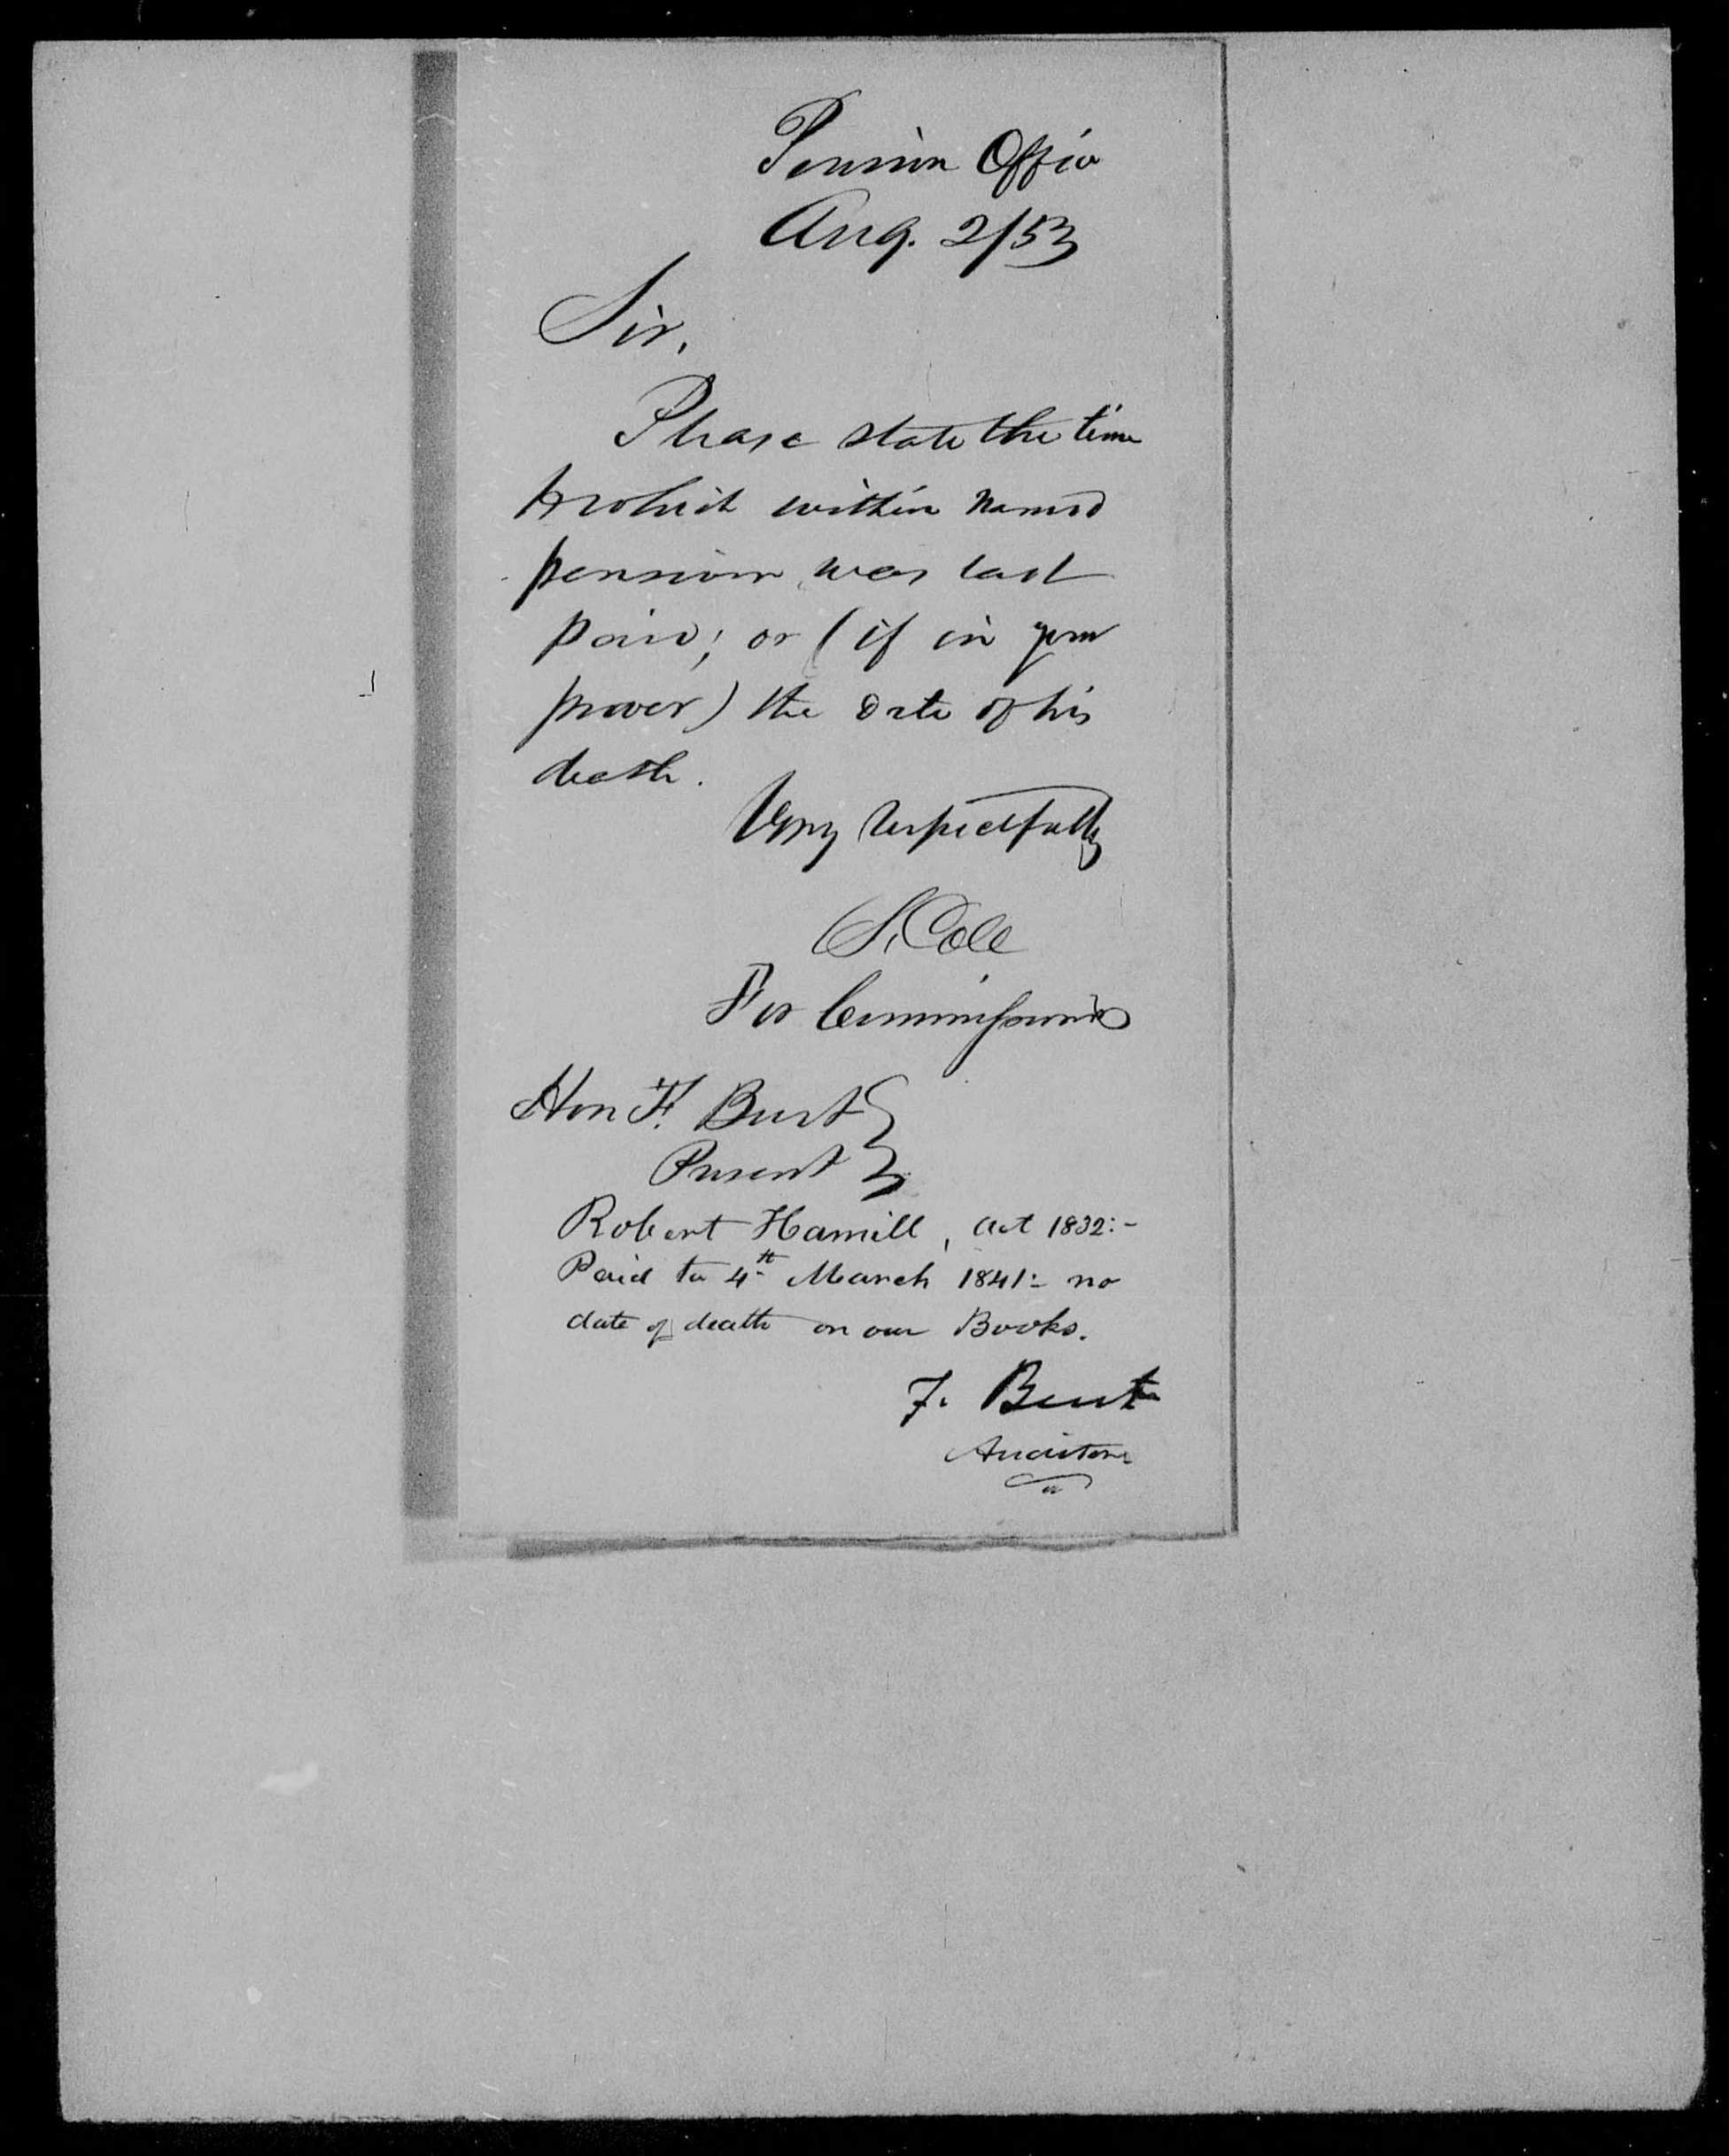Pension Office
Aug. 2/53

Sir,
Please state the time known within named pensioner was last paid; or (if in your power) the date of his death.
Very respectfully
S. Cole
Pen Commissioner

Hon F. Burt
Present}
Robert Hamill, Act 1832:-
Paid to 4th March 1841-no date of death on our Books.
F. Burt
Auditor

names: F Burt, Robert Hamill, S Cole, F Burt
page: 69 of 92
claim: widow's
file: W 1173, Robert Hamill, Penn.